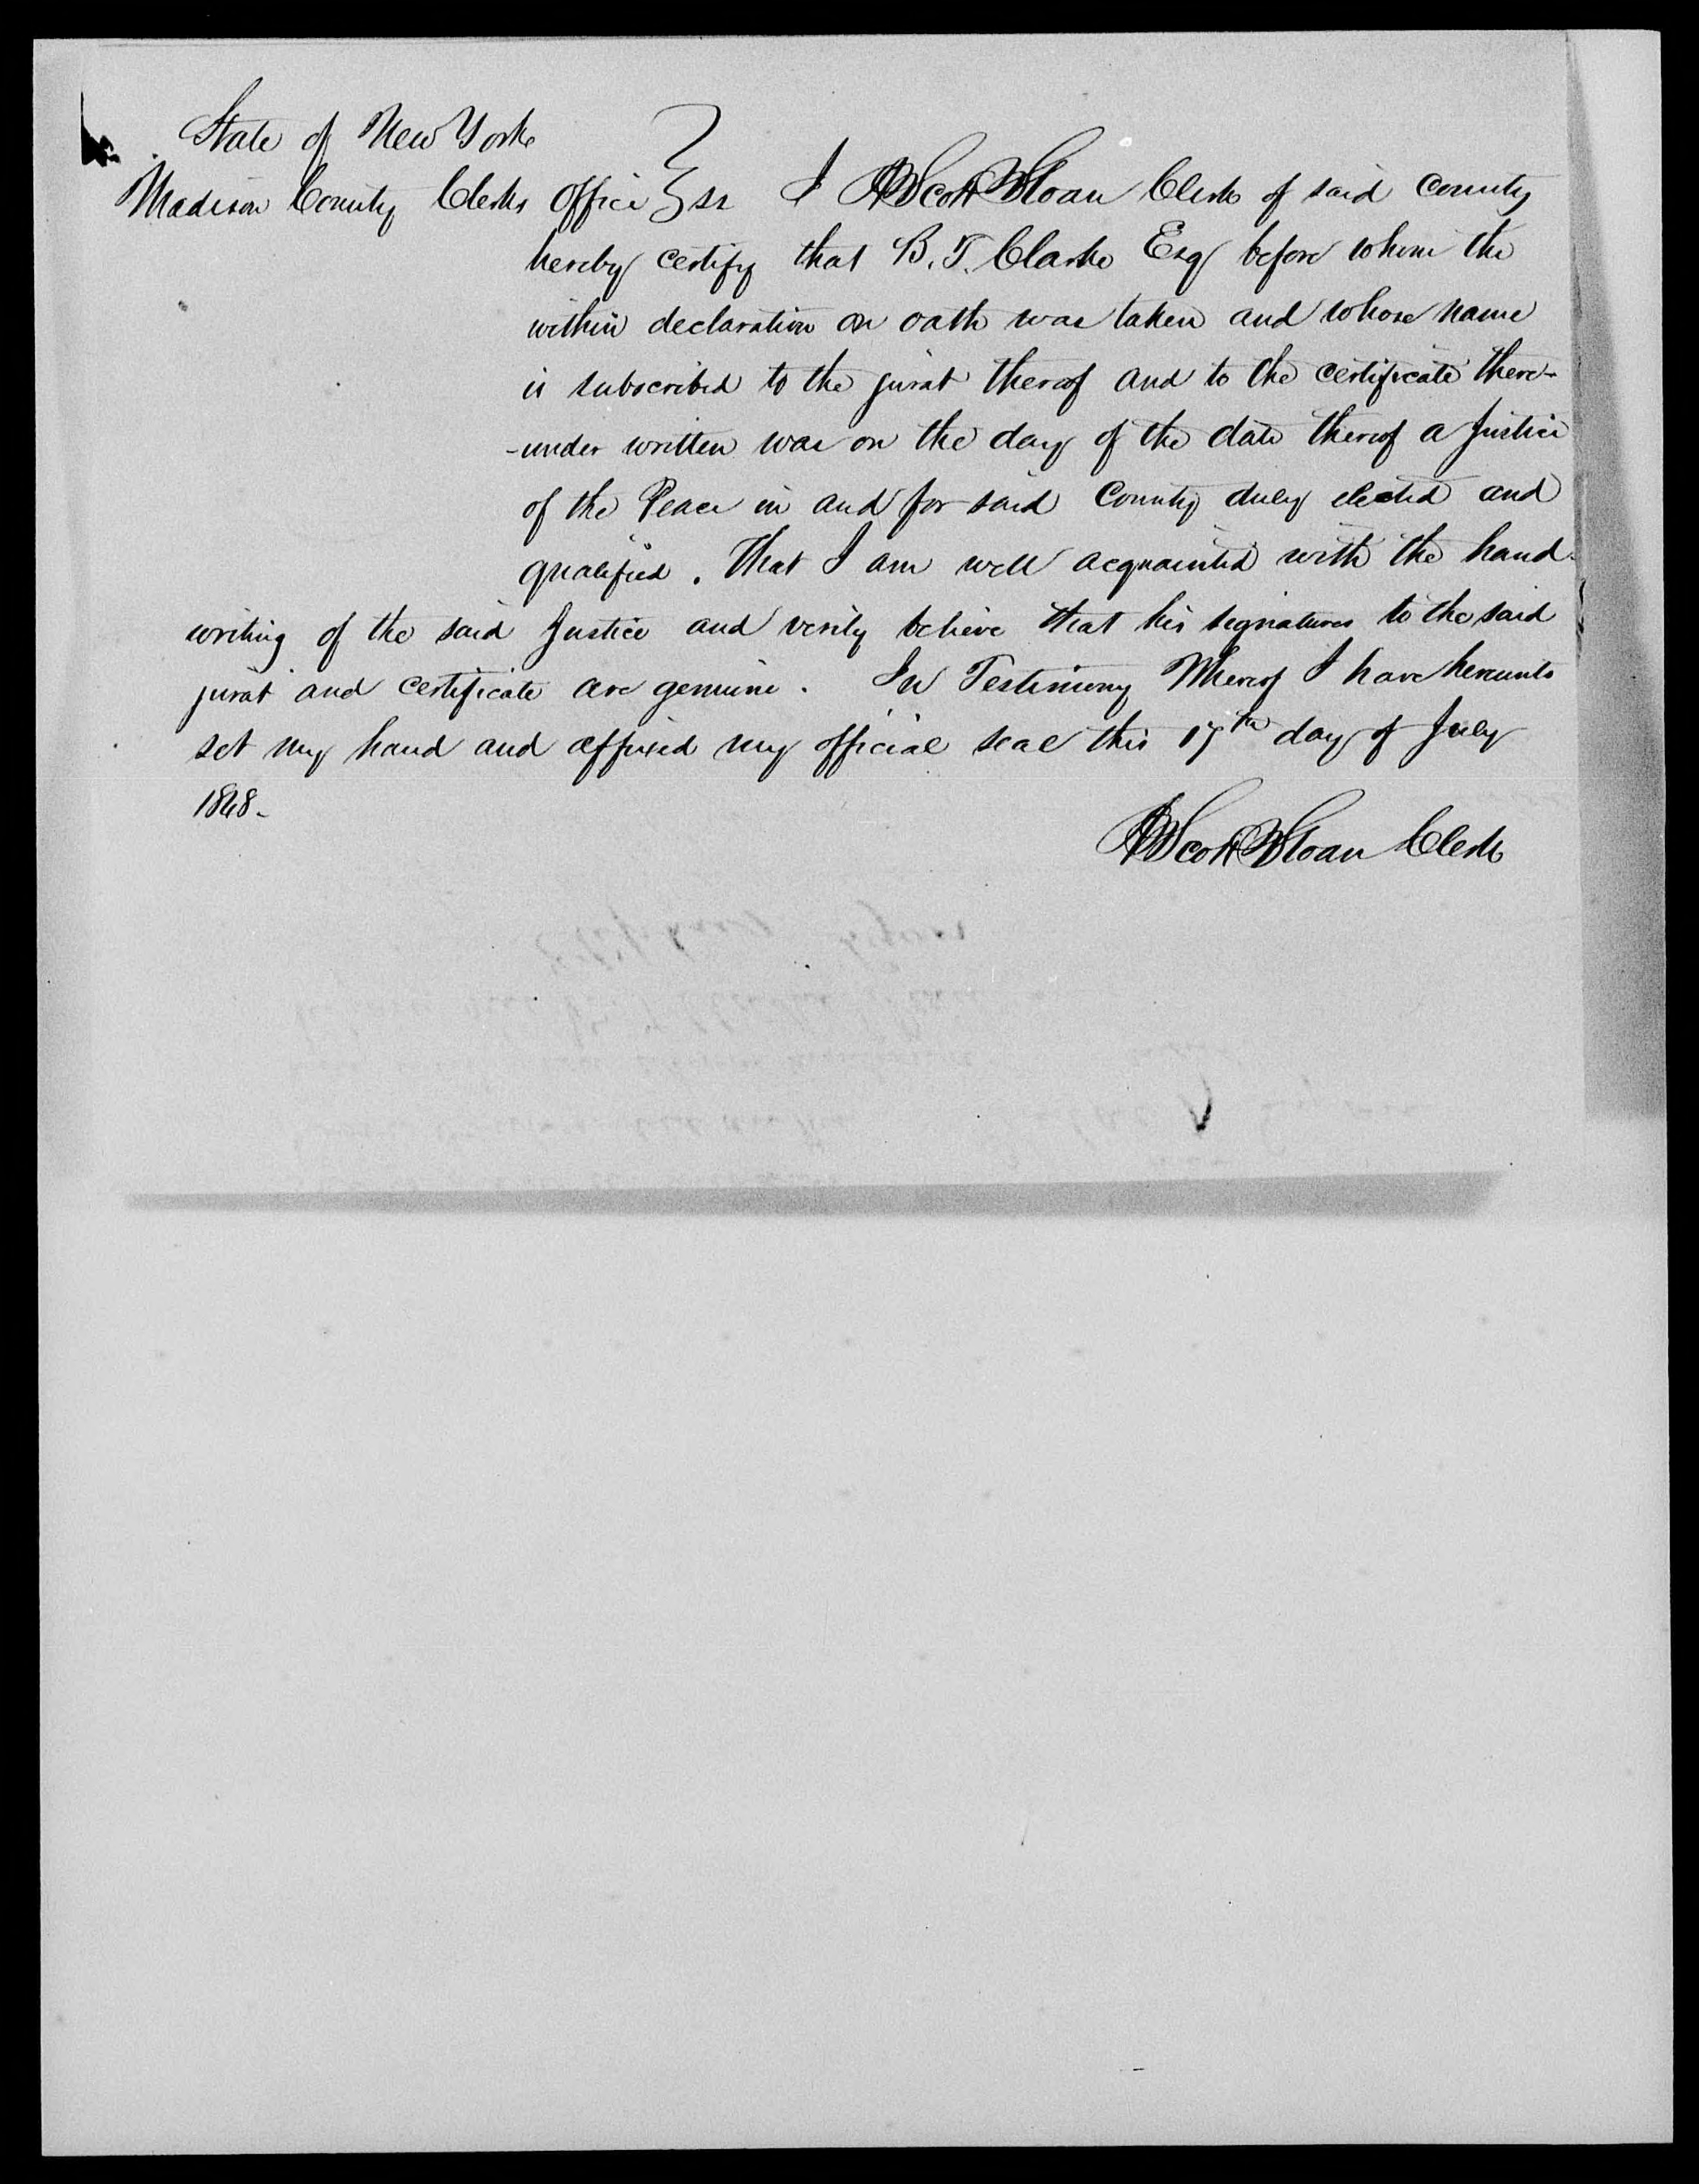State of New York
Madison County Clerks Office ss I A Scott Sloan Clerk of said County hereby certify that B.T. Clarke Esq before whom the within declaration on oath was taken and whose name is subscribed to the jurat thereof and to the certificate thereunder written was on the day of the date thereof a Justice of the Peace in and for said County duly elected and qualified. That I am well acquainted with the hand writing of the said Justice and verily believe that his signatures to the said jurat and certificate are genuine. In Testimony Whereof I have hereunto set my hand and affixed my official seal this 17th day of July 1848.
A Scott Sloan Clerk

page: 39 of 40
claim: widow's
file: W. 24,615, for Ebenezer Lyon, Connecticut